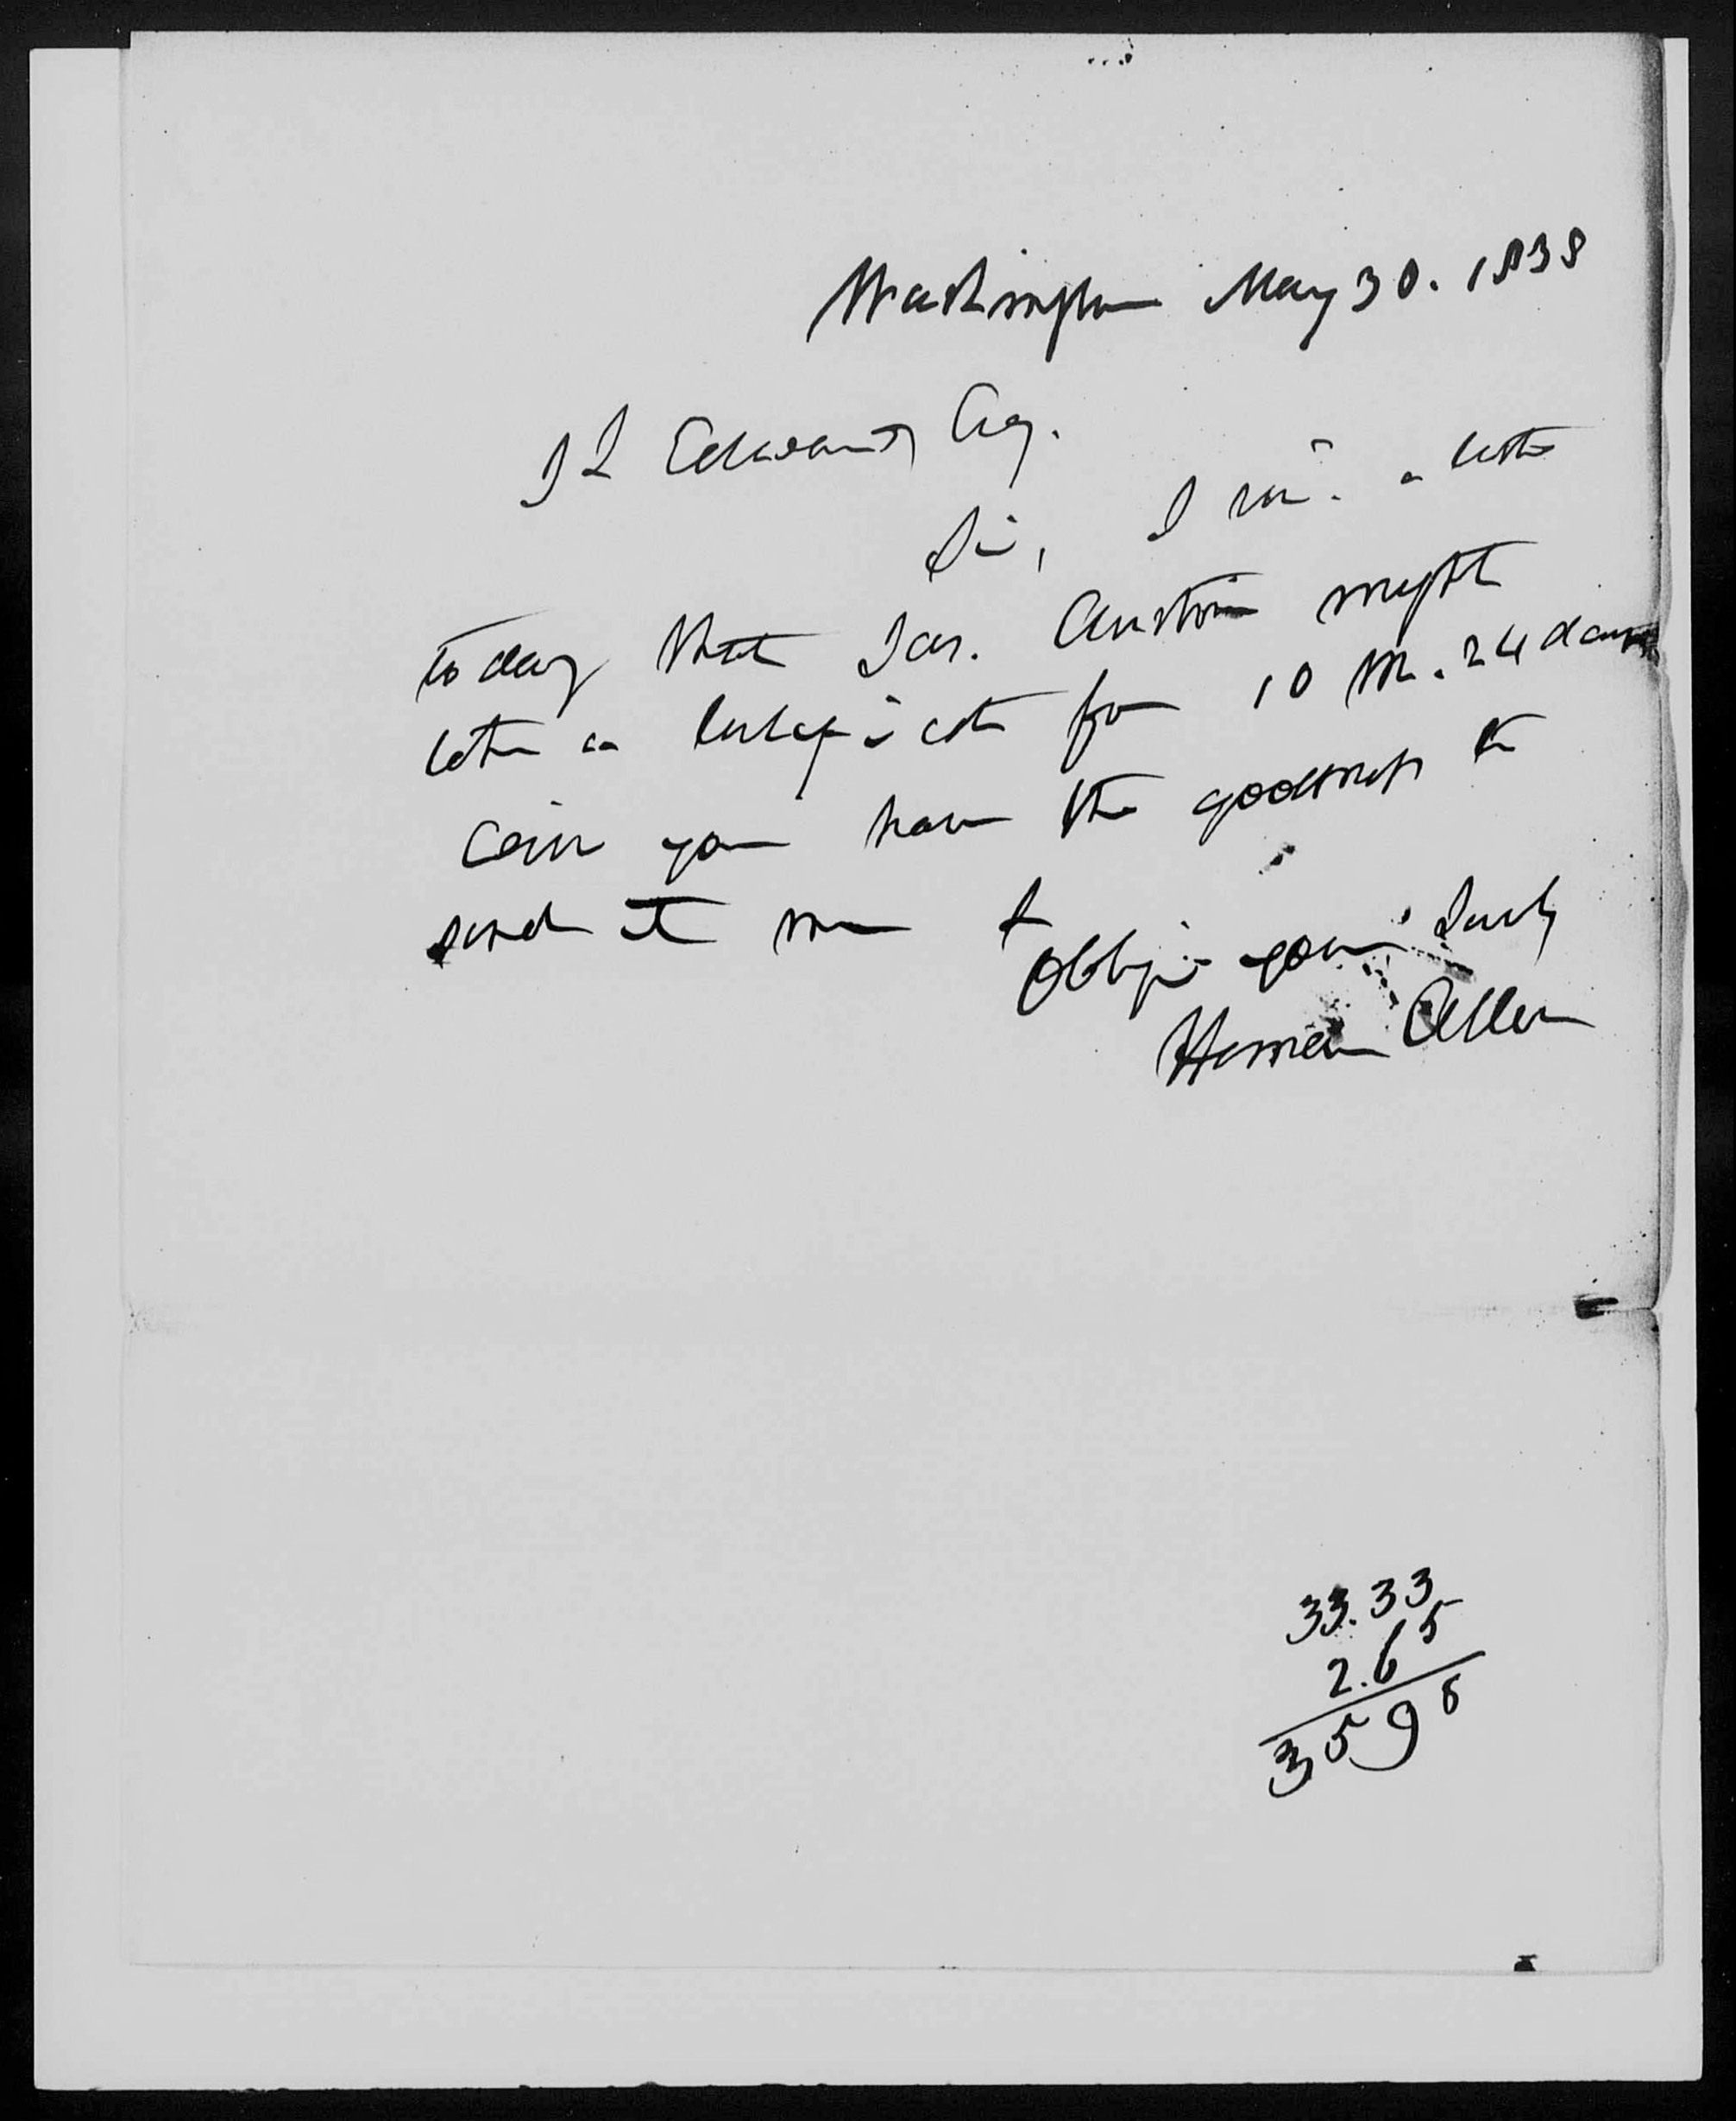Washington May 30. 1835

J L Edwards Esq.
Sir, I am a [illegible] today that Jas. Austin might take a deposition from 10M. 24 & [illegible] can you have the goodness to sent it me I
oblige yours truly
Homer Allen



33.33
2.65
_____
3598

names: Jas Austin, Homer Allen, J L Edwards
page: 98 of 100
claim: survivor's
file: S 19186, James Austin, Conn. New York R.I.